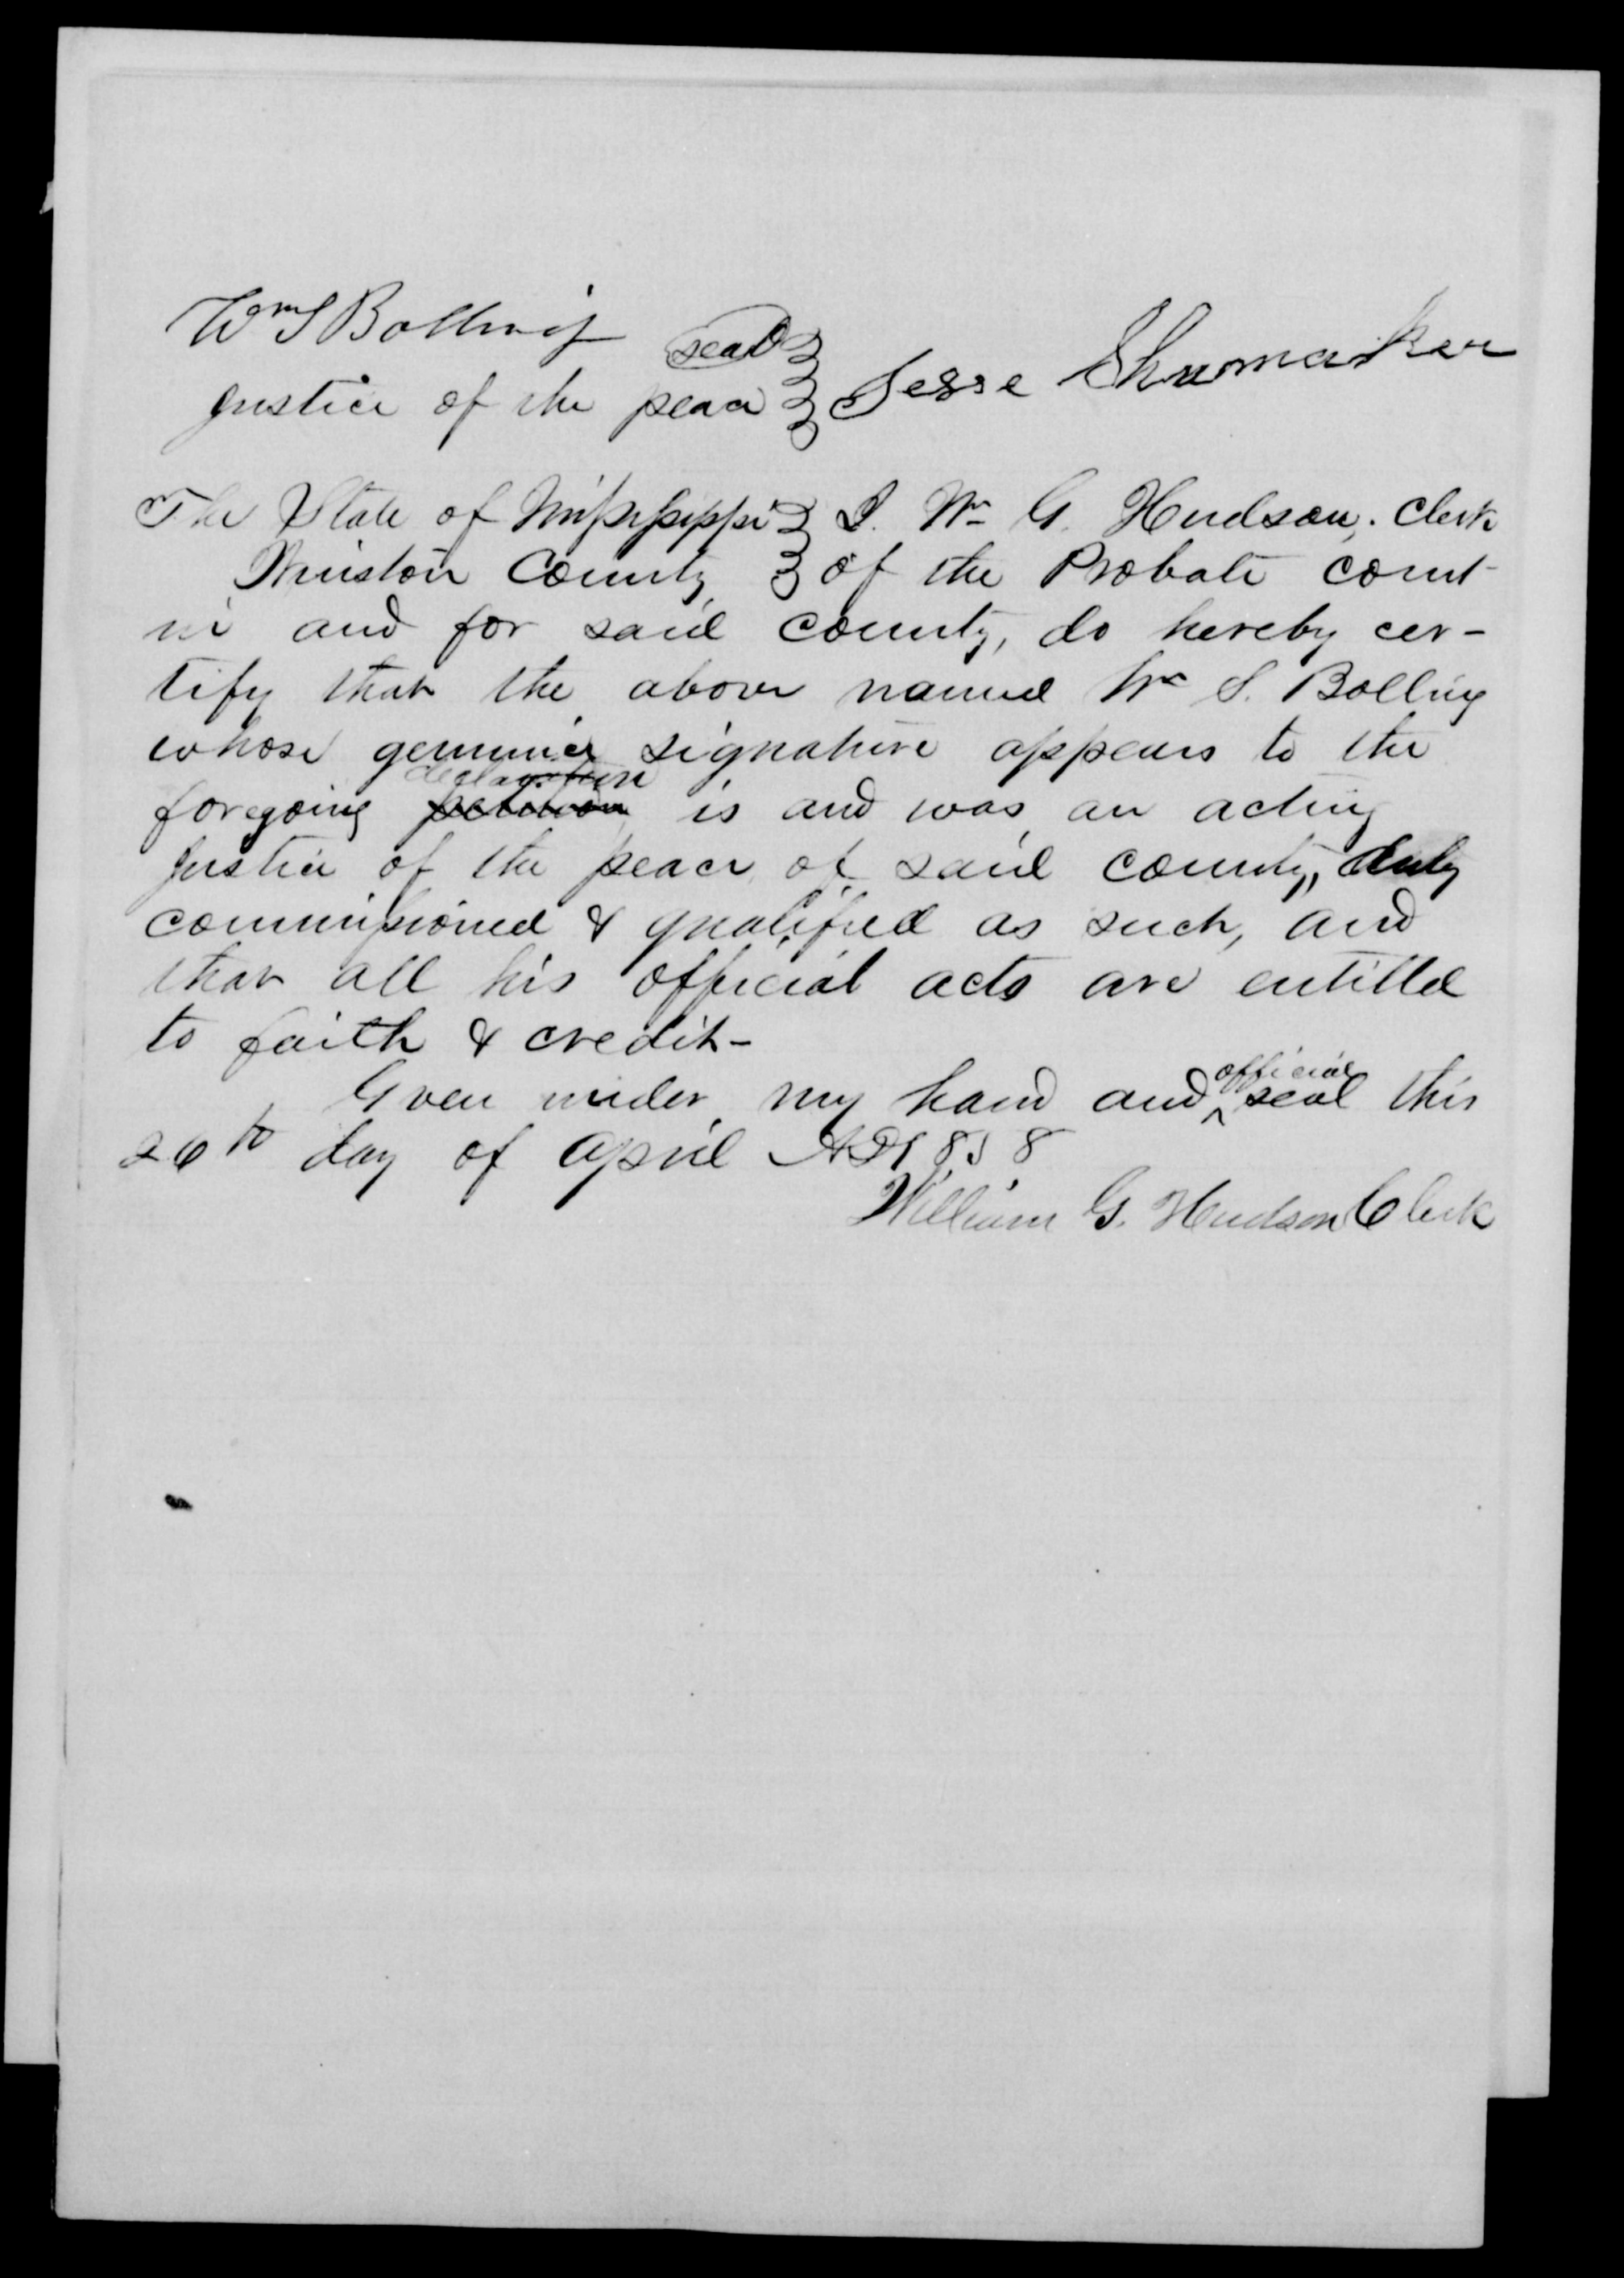Wm S Bolling seal
Justice of the peace   [signature] Jesse Shumaker
The State of Mississippi  
Winston County 
I Wm. G. Hudson, Clerk of the Probate Court
in and for said County, do hereby certify
that the above named Wm S. Bolling
whose genuine signature appears to the
foregoing declaration is and was an acting
Justice of the peace of said County, duly
commissioned & qualified as such, and
that all his official acts are entitled
to faith & credit-
Given under my hand and official seal this
26th day of April AD1858
William G. Hudson Clerk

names: Wm S Bolling; Jesse Shumaker; Wm S Bolling; Wm G Hudson; William G Hudson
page: 7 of 20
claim: survivor's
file: S. 32512, for Harmon Shumaker, Maryland